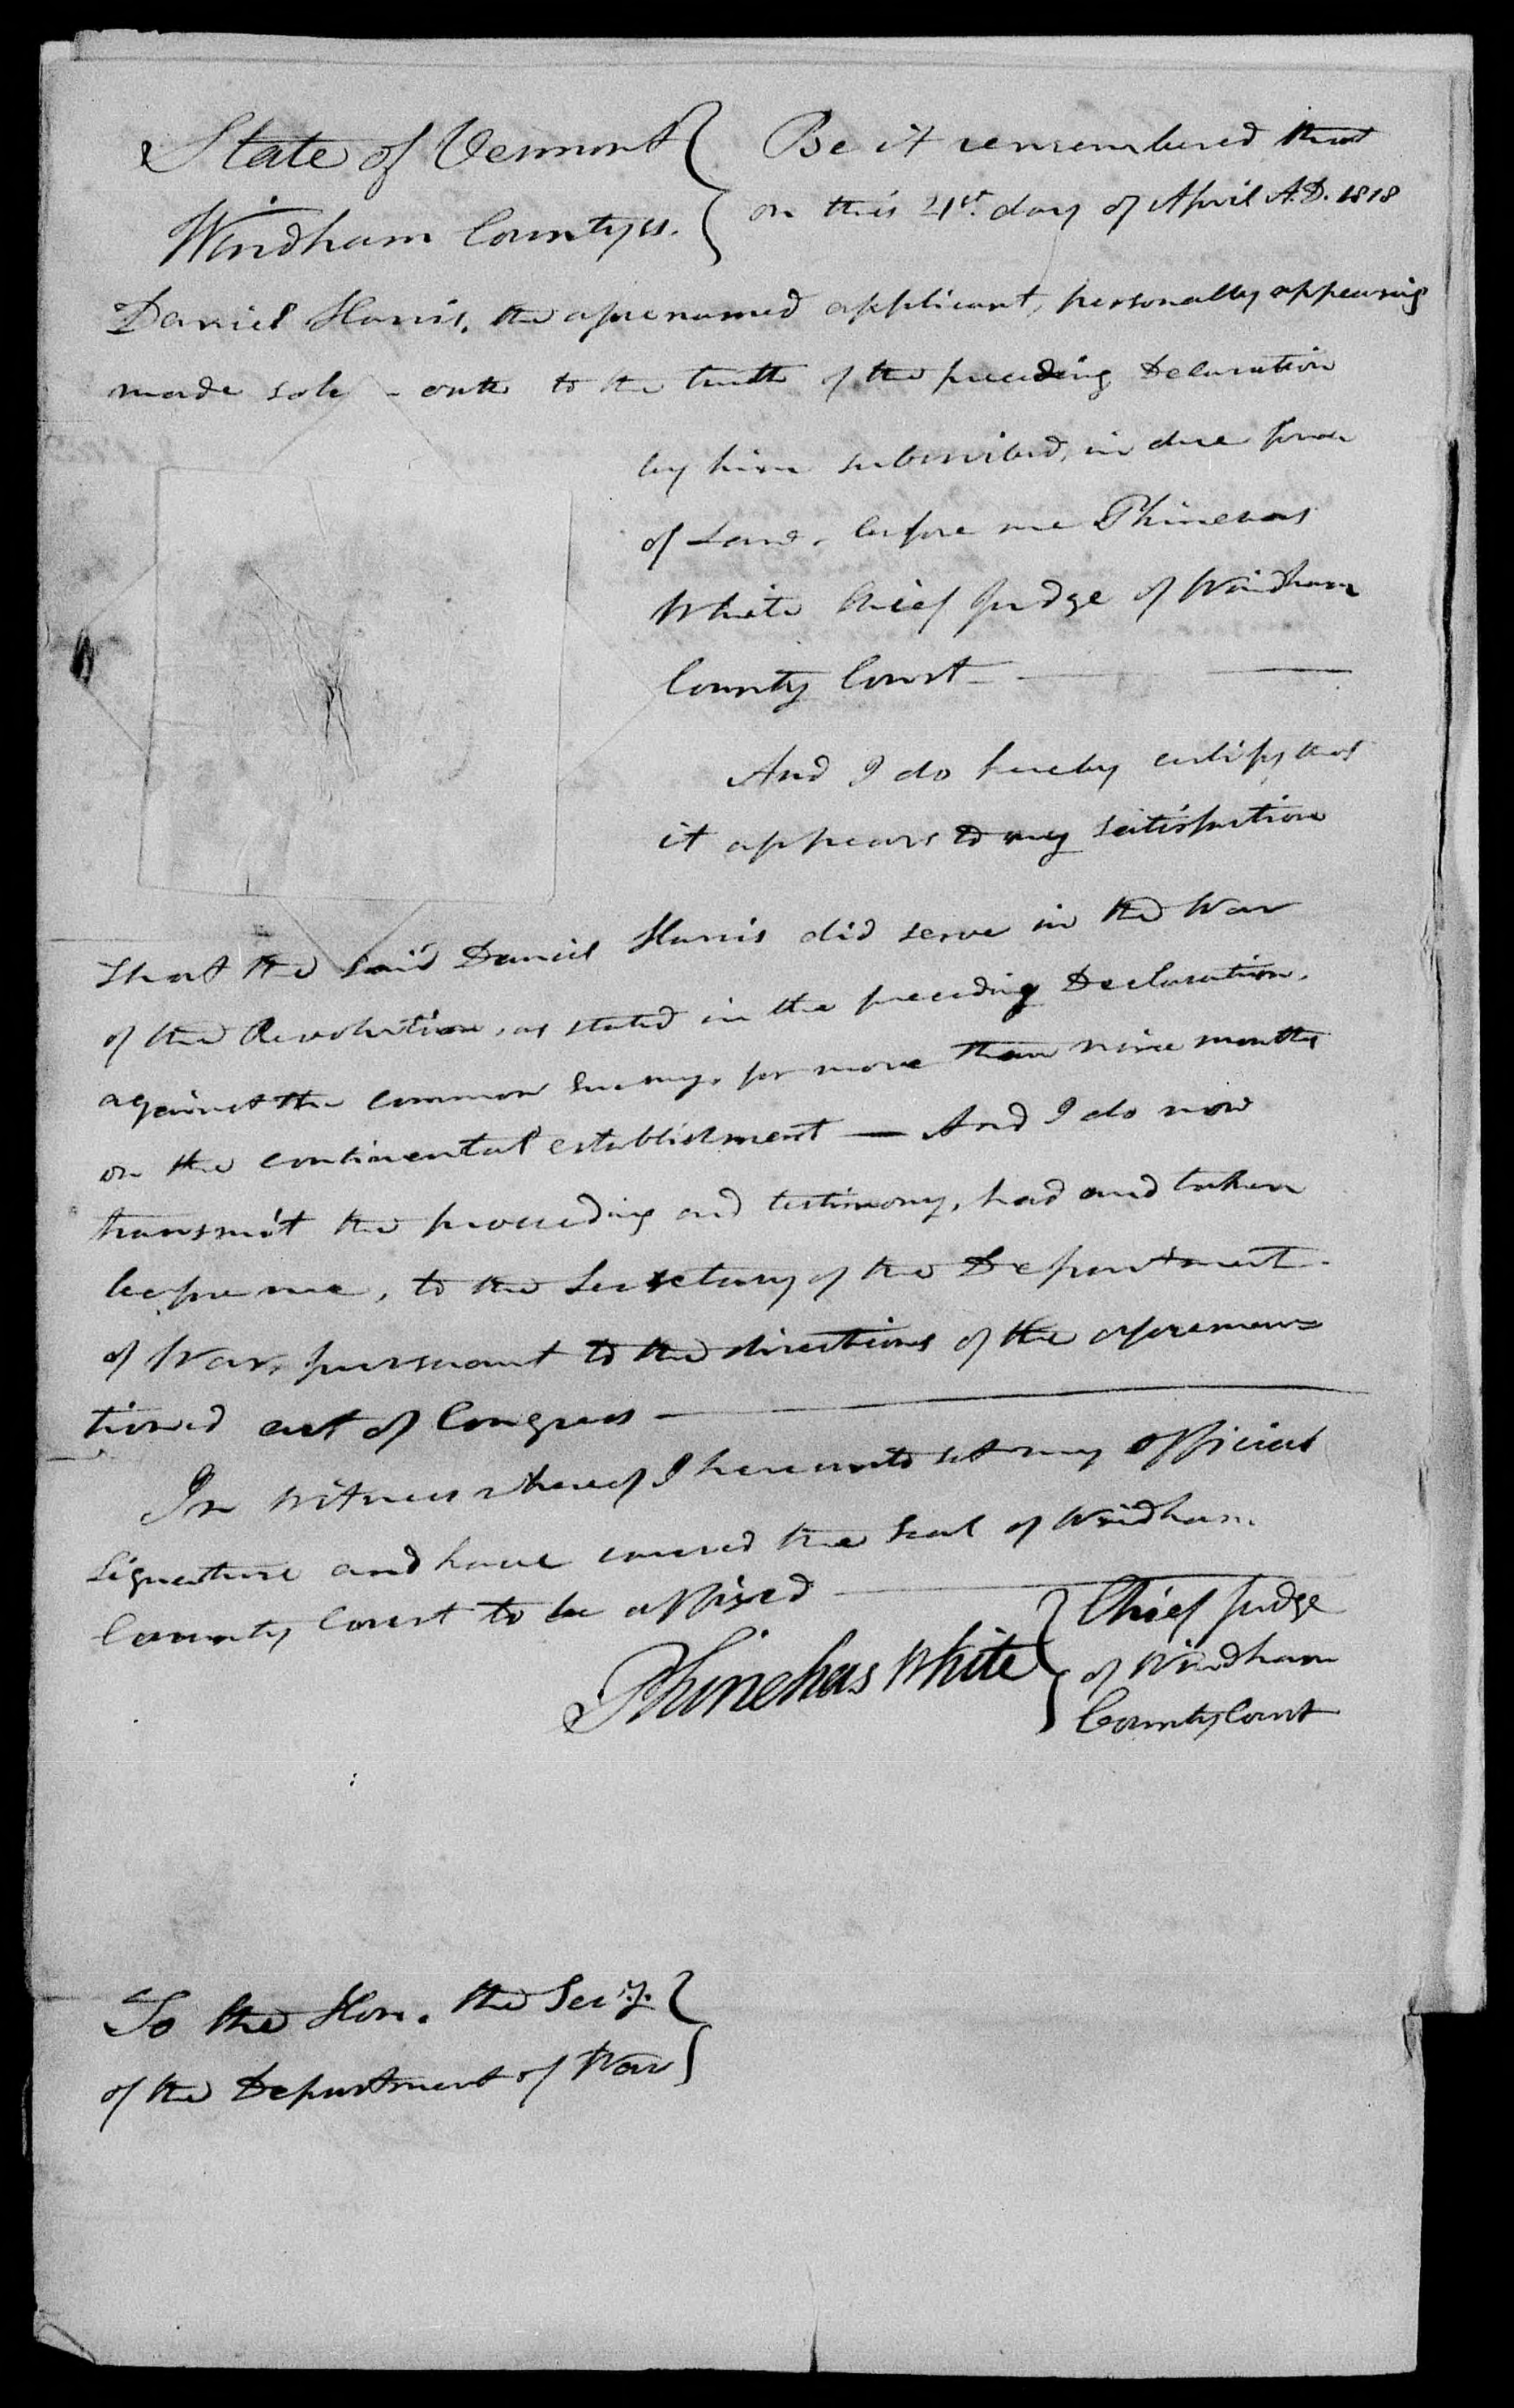State of Vermont                             Be it remembered that on this
Windham County ss                        4th day of April 1818


Daniel Harris, the afore named applicant personally appearing
made solemn oath to the truth of the following Declaration
                                              by him submitted in due form of
( seal affixed here)                hand, before me Phinehas White
                                              Chief Judge of Windham County 
                                              Court

                                              And I do hereby certify that it 
                                              to my satisfaction that said Daniel 
Harris did serve in the War of the Revolution as stated in the preceding declaration against the common enemy for more than nine months on the Continental establishment--And I do now transmit the proceeding and testimony, hand and taken before me to the Secretary of War, Department of War, pursuant to the 
directions of the (illegible) act of Congress.

In witness whereas I hereunto set my official signature and have issued the seal of Windham County Court to be applied.
Phinehas White} Chief Judge of Windham County Court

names: Daniel Harris, Phinehas White, Daniel Harris, Phinehas White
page: 35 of 68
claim: survivor's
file: S. 29,877, Daniel Harris, Mass.